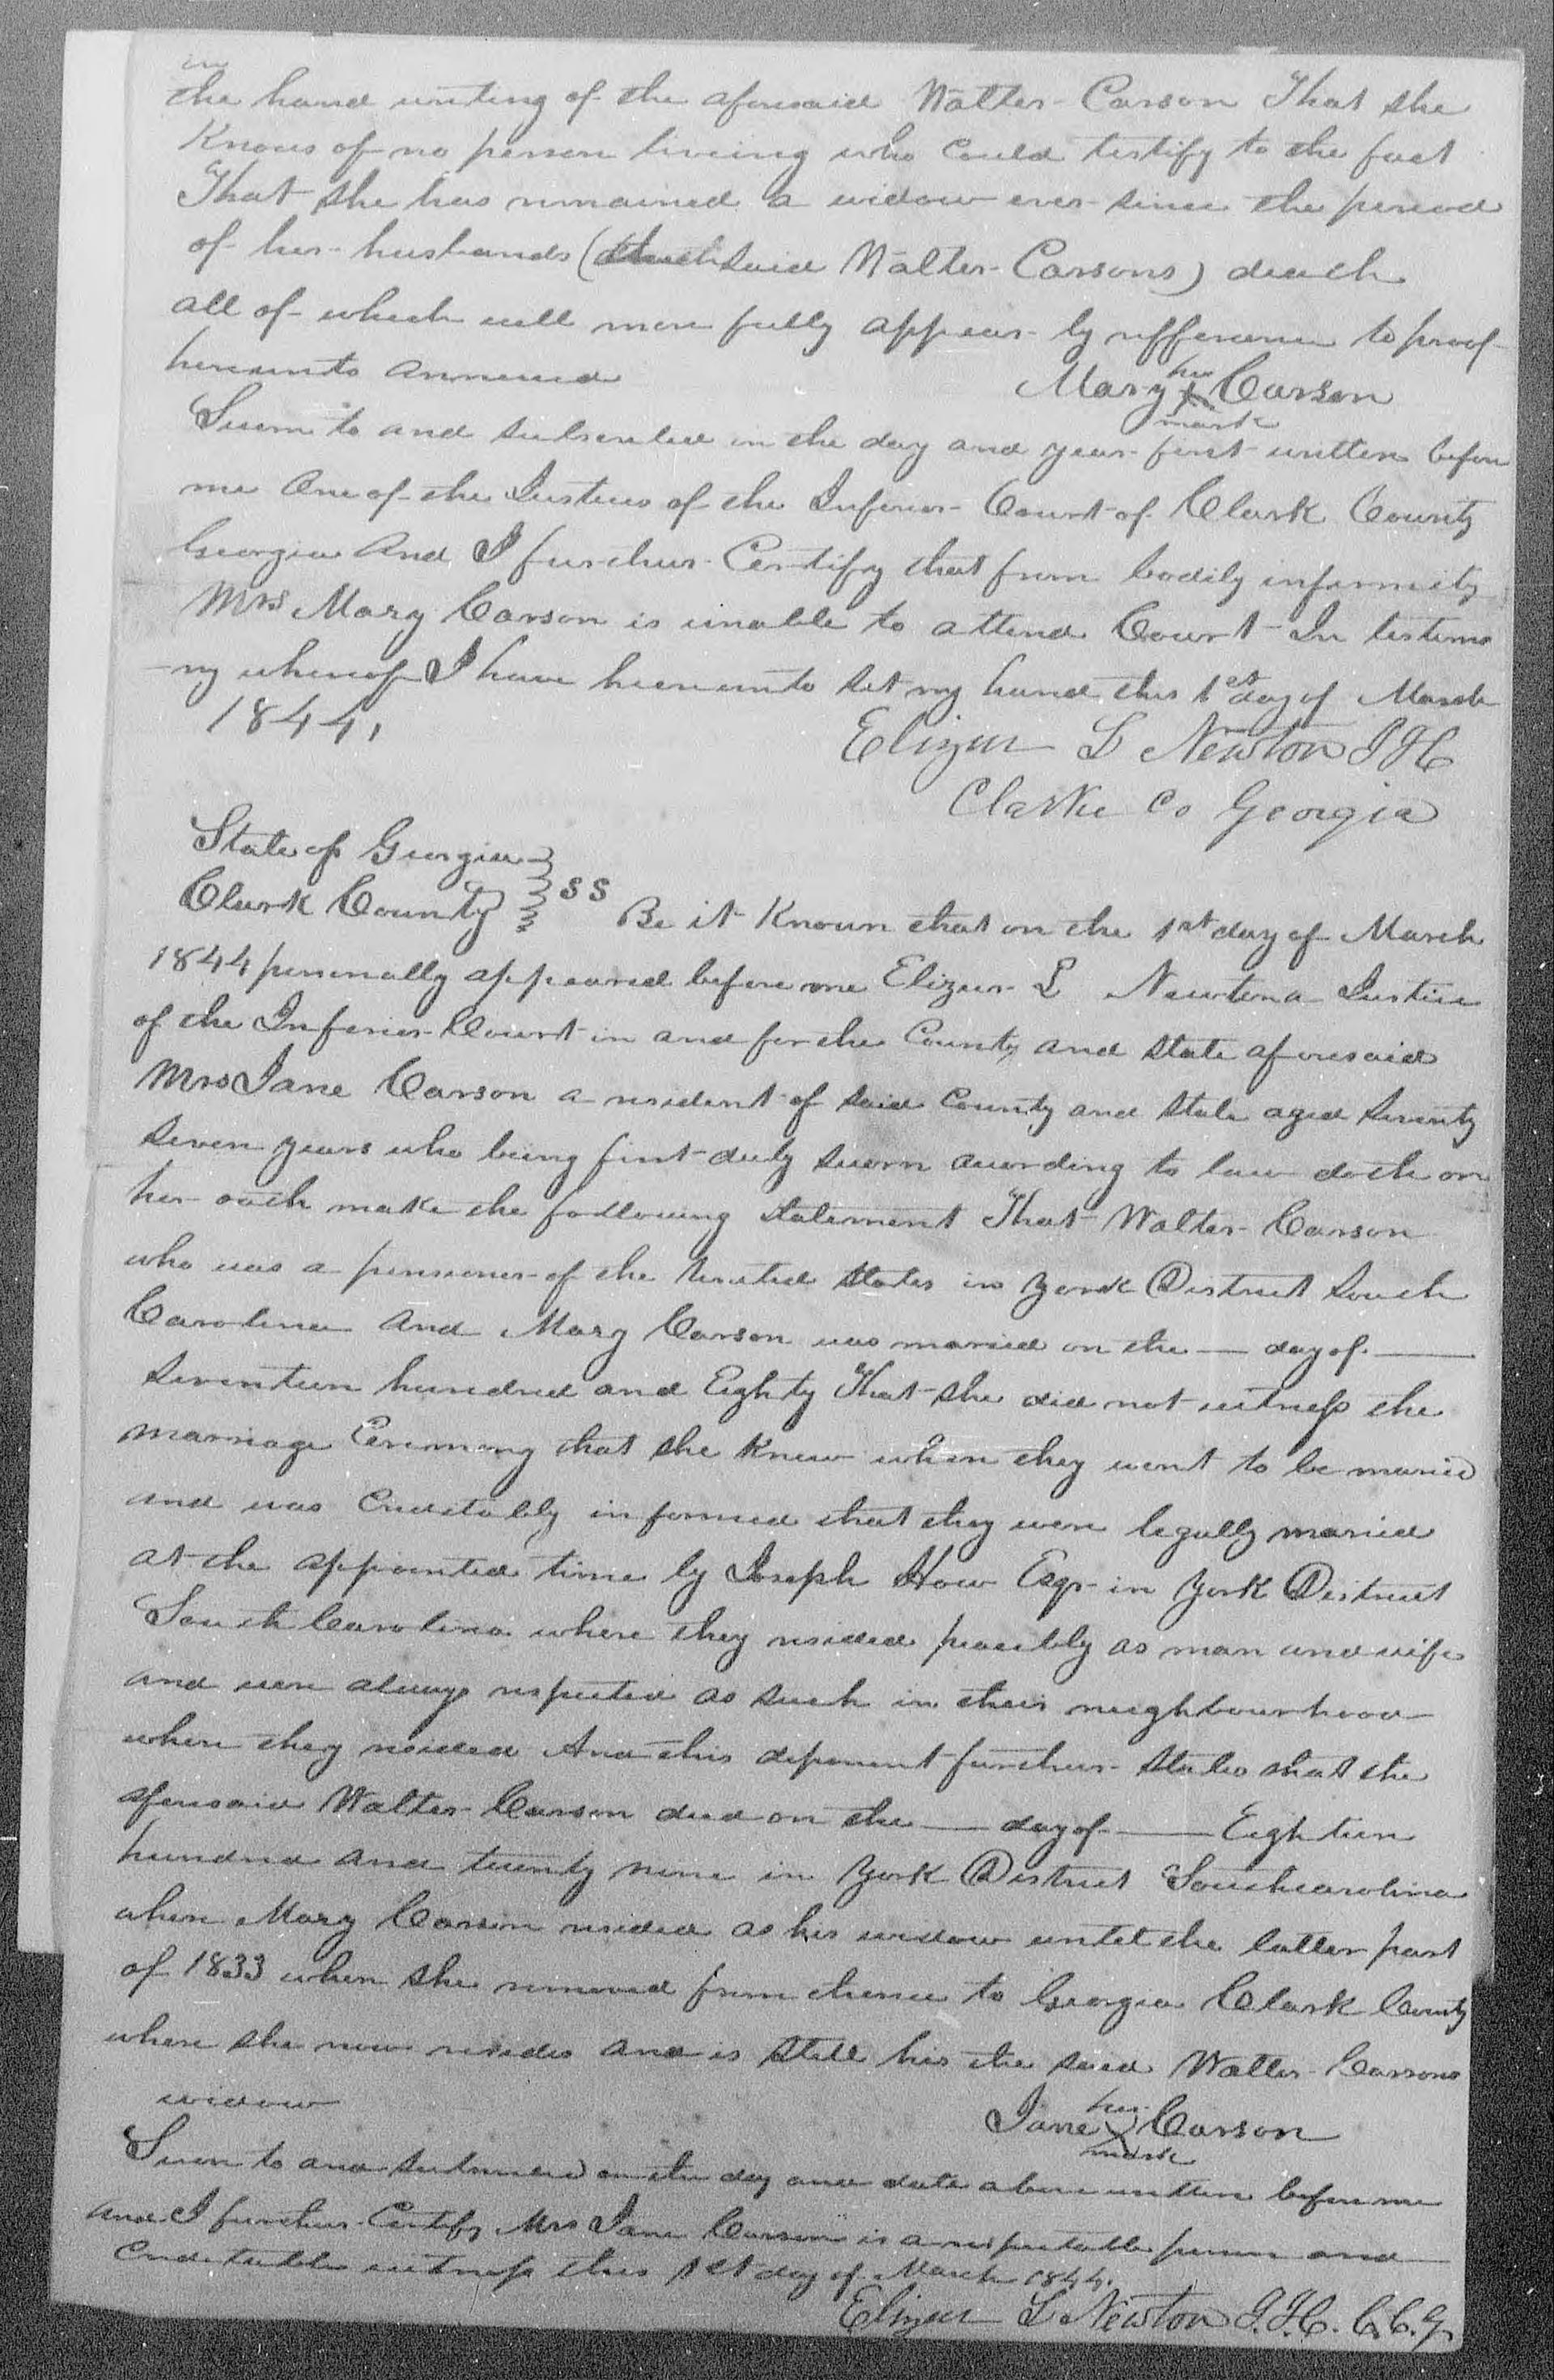in the hand writing of the aforesaid Walter Carson That she knows of no person living who could testify to the fact That she has remained a widow ever-since the period of her husbands (aforesaid Walter Carsons) death all of which will more fully appear by refference to proof hereunto annexed.
Mary Carson her mark X
Sworn to and subscribed in the day and year first written before me, one of the Justices of the Inferior Court of Clark County, Georgia and I further certify that from bodily infirmity Mrs. Mary Carson is unable to attend court.  In testimony whereof I have hereunto set my hand this 1st day of March 1844.
Elizur L. Newton, J.I.C. Clark Co Georgia

State of Georgia
Clark County SS
Be it known that on the 1st day of March 1844 personally appeared before me Elizur L. Newton a Justice of the Inferior Court in and for the County and State aforesaid Mrs. Jane Carson a resident of said County and State aged seventy seven years who being first duly sworn according to law doth on her oath make the following statement That Walter Carson who was a pensioner of the United States in York District South Carolina and Mary Carson was married on the ___ day of ___ seventeen hundred and eighty That she did not witness the marriage ceremony that she knew when they went to be married and was creditably informed that they were legally married at the appointed time by Joseph How Esqr in York District South Carolina where they resided peaceably as man and wife and were always respected as such in their neighbourhood where they resided And this deponent further states that the aforesaid Walter Carson died on the ___ of ___ eighteen hundred and twenty nine in York District South Carolina where Mary Carson resided as his widow until the latter part of 1833 when she removed from thence to Georgia, Clark County where she now resides and is still his the said Walter Carsons widow.
Jane Carson her mark X
Sworn to and subscribed on this day and date above written before me and I further certify Mrs. Jane Carson is a respectable person and creditable witness this 1st day of March 1844. 
Elizur L. Newton, J.I.C. C.C.G.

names: Elizur L Newton, Walter Carson, Mary Carson, Jane Carson, Walter Carson, Mary Carson, Jane Carson, Mary Carson, Walter Carson, Elizur L Newton, Jane Carson, Mary Carson, Walter Carson, Joseph How, Elizur L Newton, Walter Carson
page: 3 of 34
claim: rejected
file: R. 1,738, Walter Carson, N.C. S.C.